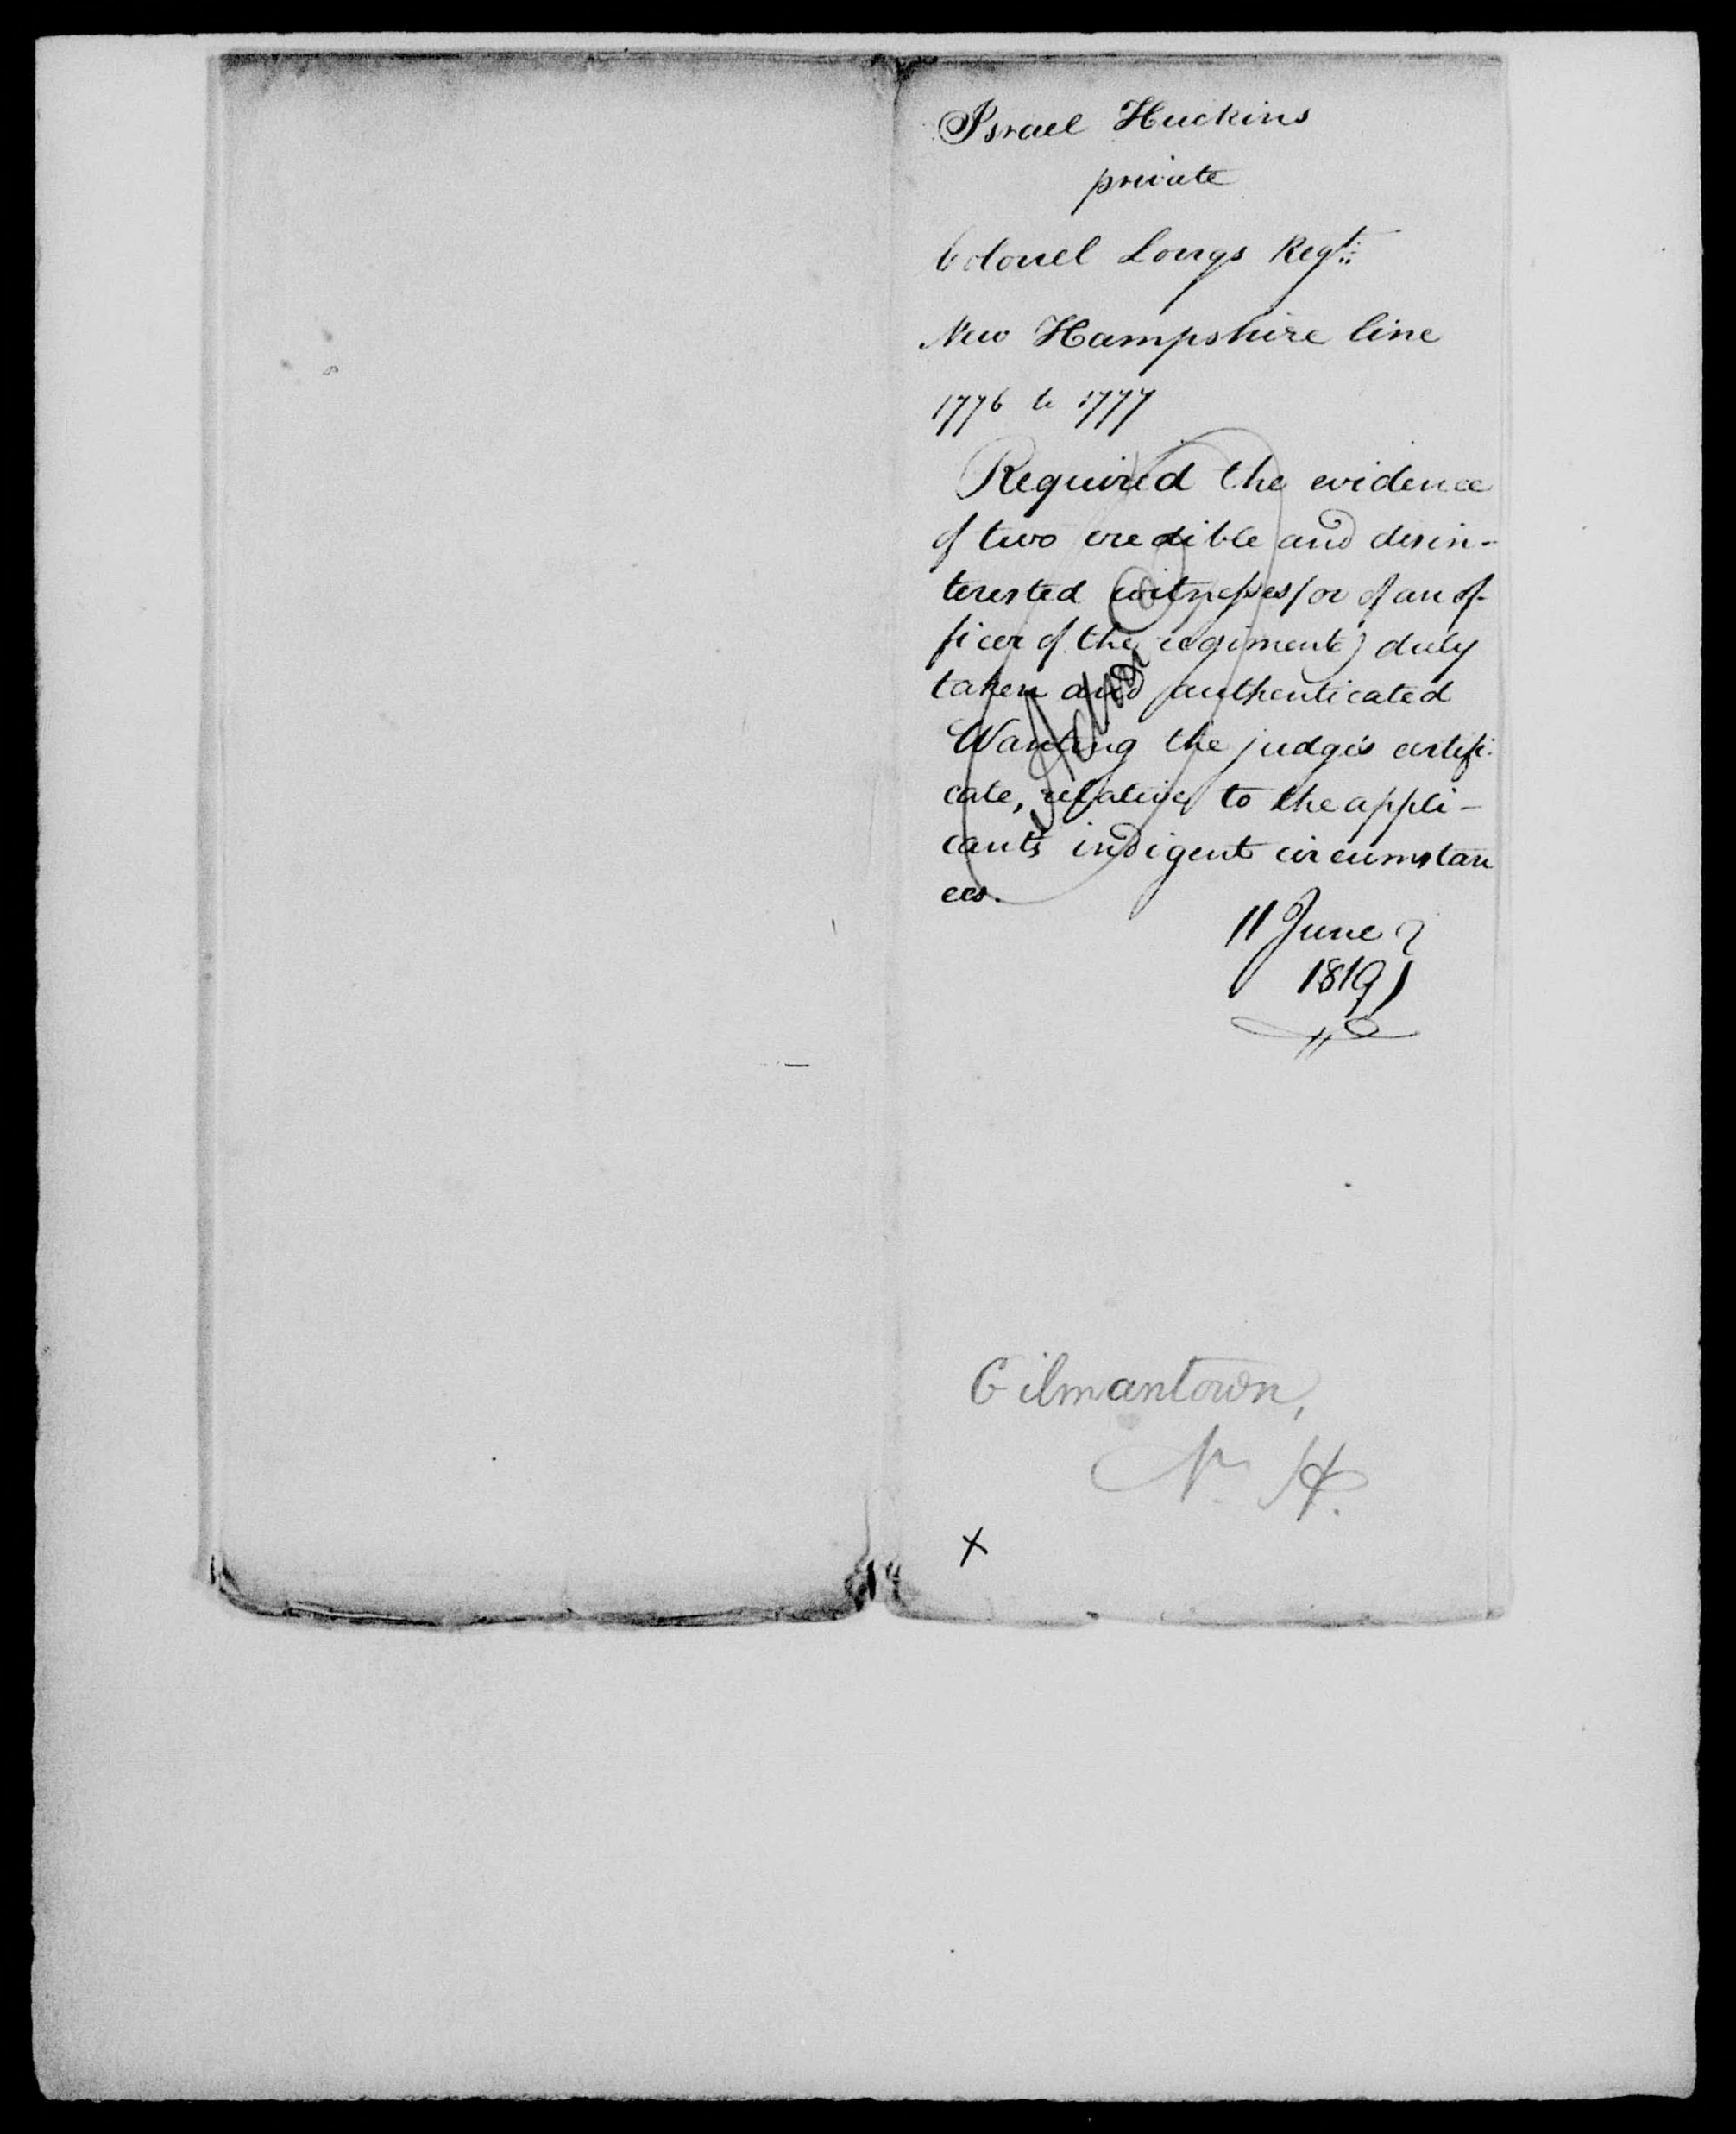Israel Hawkins
private
Colonel Long Regt.
New Hampshire line
1776 & 1777
Required the evidence of two credible and disinterested witnesses for proof of the regiment, duly taken and authenticated.
Having the judge certify the validity to the satisfaction of Congress in circumstances.
June 12th, 1819
Gilman town
N.H.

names: Israel Huckins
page: 12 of 35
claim: widow's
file: W. 16127, Israel Huckins, N.H.